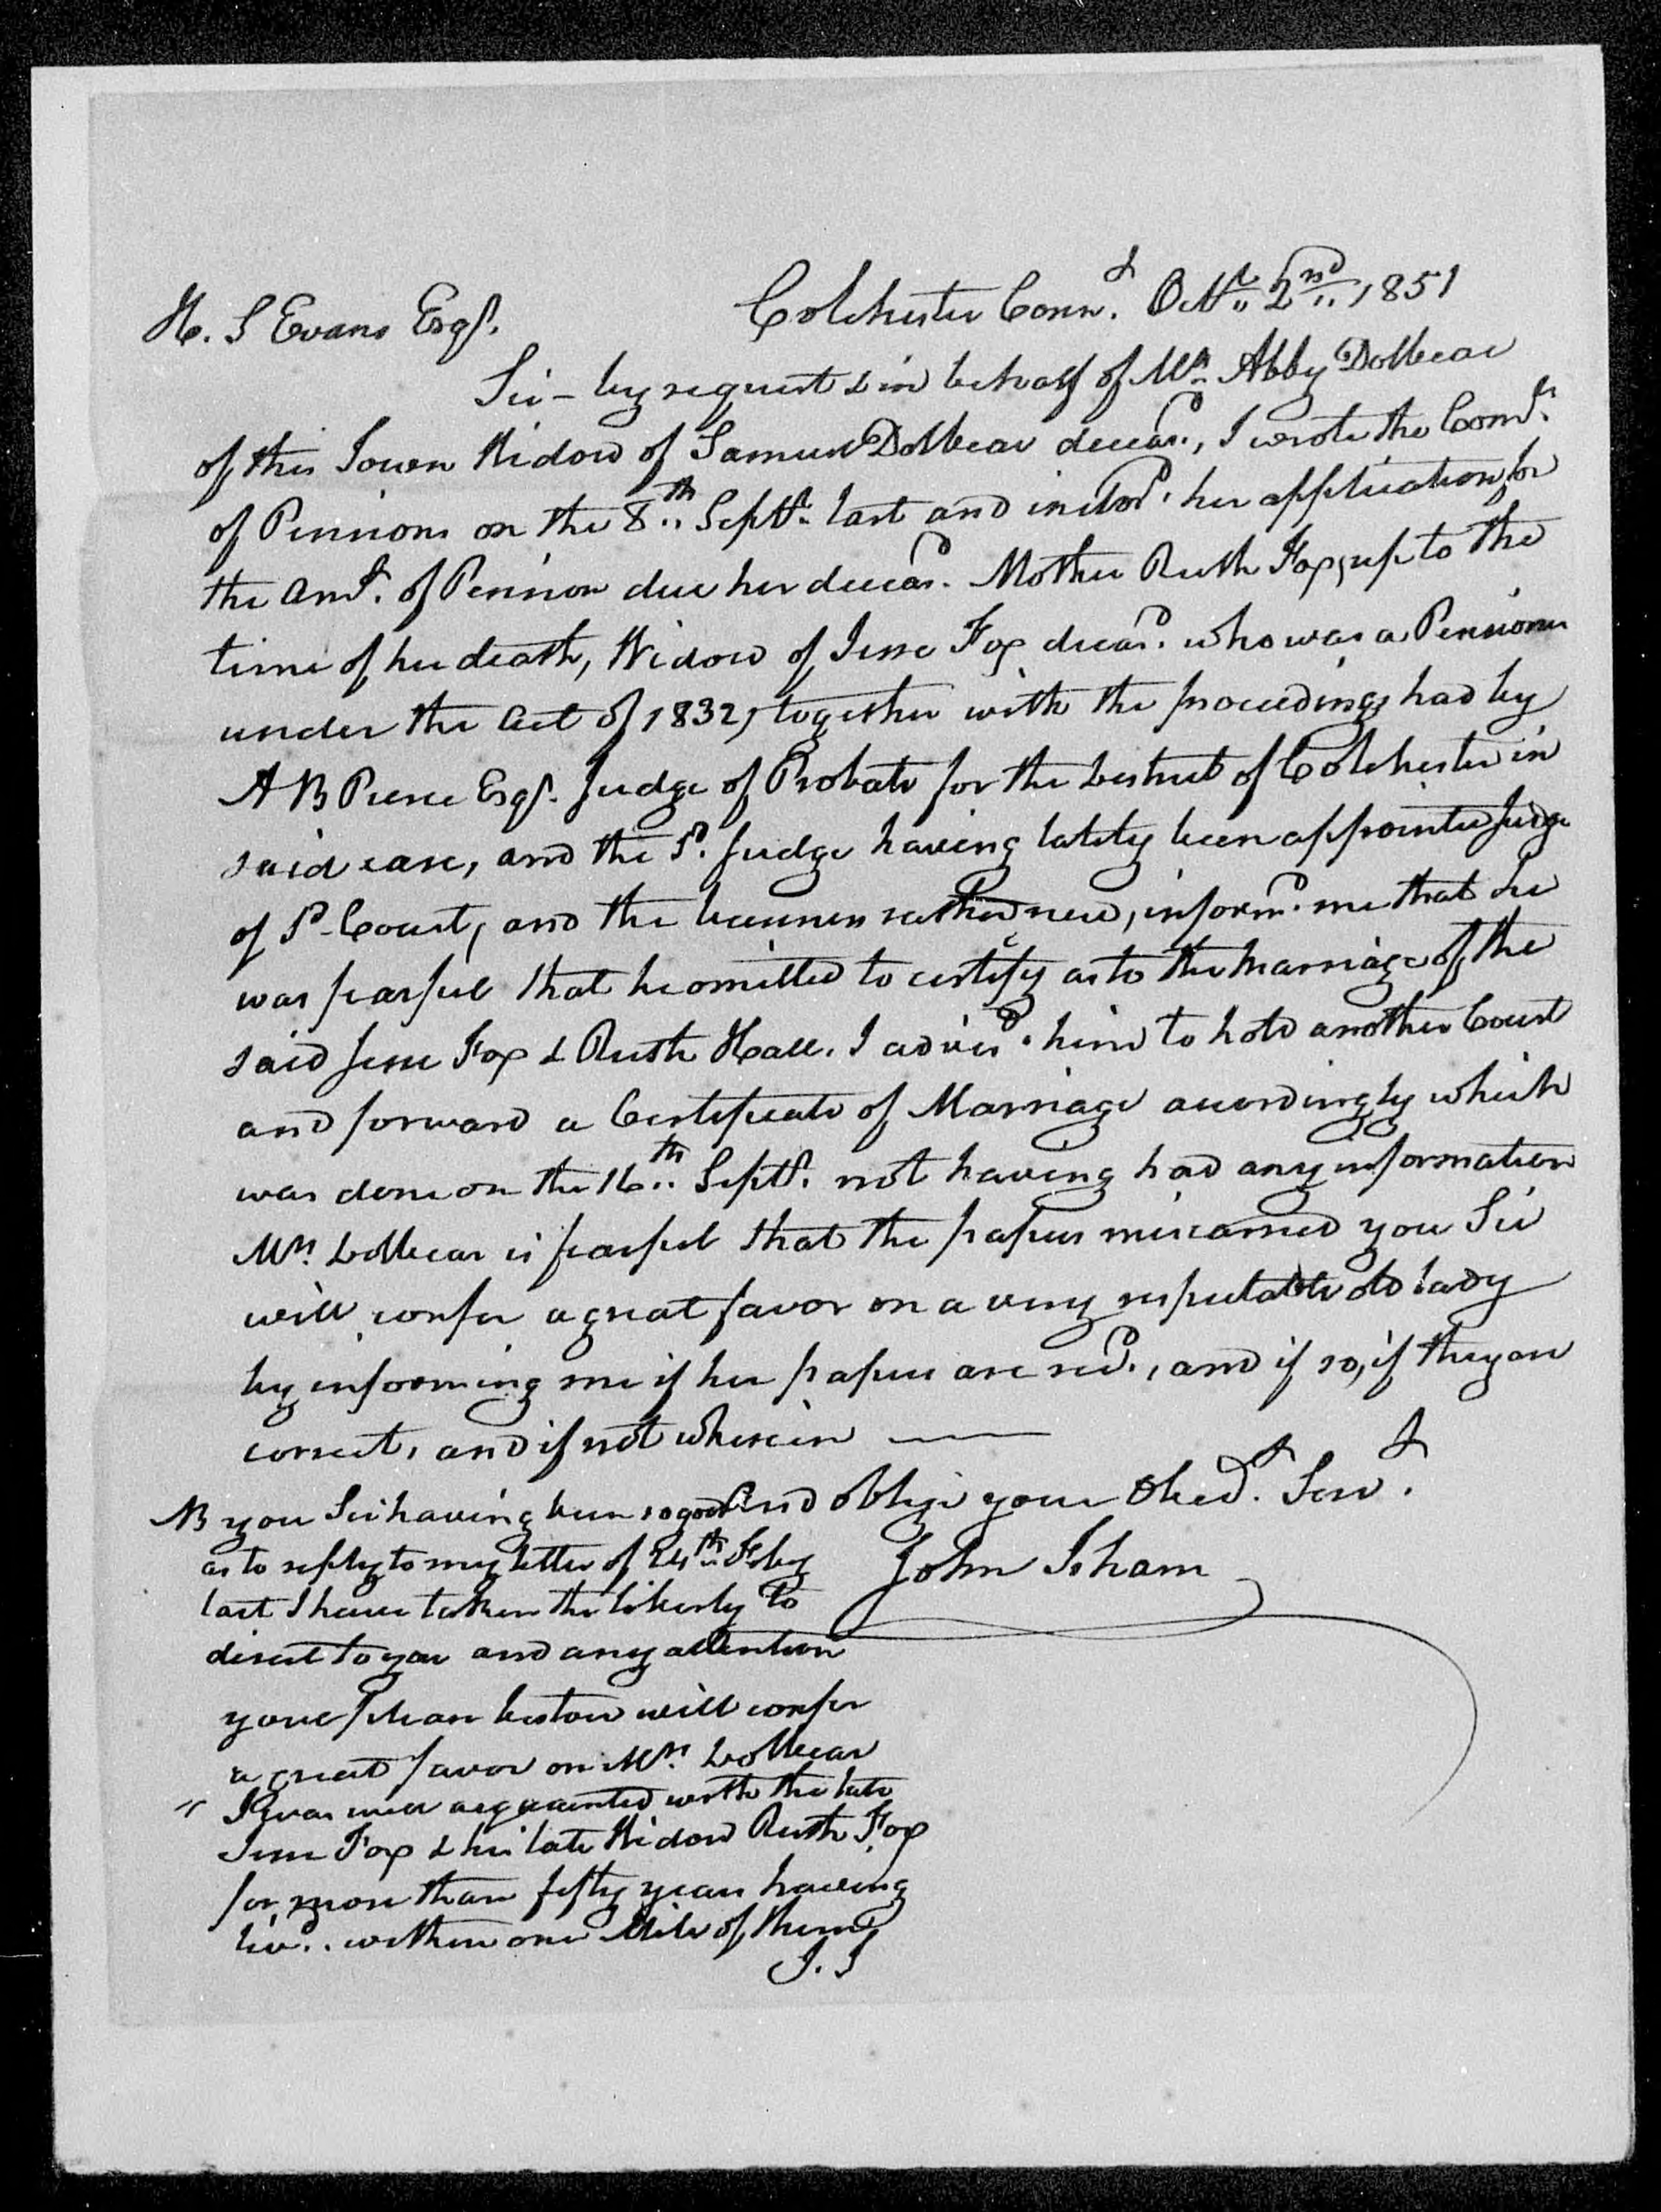H. S. Evans Esq. Colchester Connt Oct 2nd 1851

Sir-by requests in behalf of Mrs. Abby Dolbear of this Town widow of Samuel Dolbear decesd, I wrote the Commr of Pensions on the 8th Sept. last amd inclosd her application for the amt of pension due her decesd mother Ruth Fox up to the time her death, widow of Jesse Fox, deceasd, who was a pensioner under the act of 1832, together with the proceedings had by A B Pierce Esq Judge of Probate for the District of Colchester in said case, and the sd Judge having lately been appointed Judge of sd County, and the [unk] rather new, informd me that he was fearful that he omitted to certify as to the marriage of the said Jesse Fox & Ruth Hall, I advise him to hold another Court and forward a certificate of marriage accordingly which was done on the 16th Sept., not having had any information Mrs. Dolbear is fearful that the papers miscarried you SIr will confer a great favor on a very respectable old lady by informing me if her papers are recd, and if nso, if they are correct, and if nor wherein.

And oblige your obedt servt

John Isham

By your Sir having been so good as to reply to my letter of 24th Feby last, I have taken the liberty to direct to you and any attention your man bestow will confer a great favor on Mrs. Dolbear. I was well acquainted with the late Jesse Fox & hhis late widow Ruth Fox for more than fifty years having livd within one mile of them.
J.I.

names: Jesse Fox, John Isham, Ruth Fox, Samuel Dolbear, A B Pierce, Jesse Fox, Jesse Fox, Ruth Hall, H S Evans, Abby Dolbear, Ruth Fox, Dolbear, Dolbear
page: 33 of 53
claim: rejected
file: R. 3732, Jesse Fox, Conn.